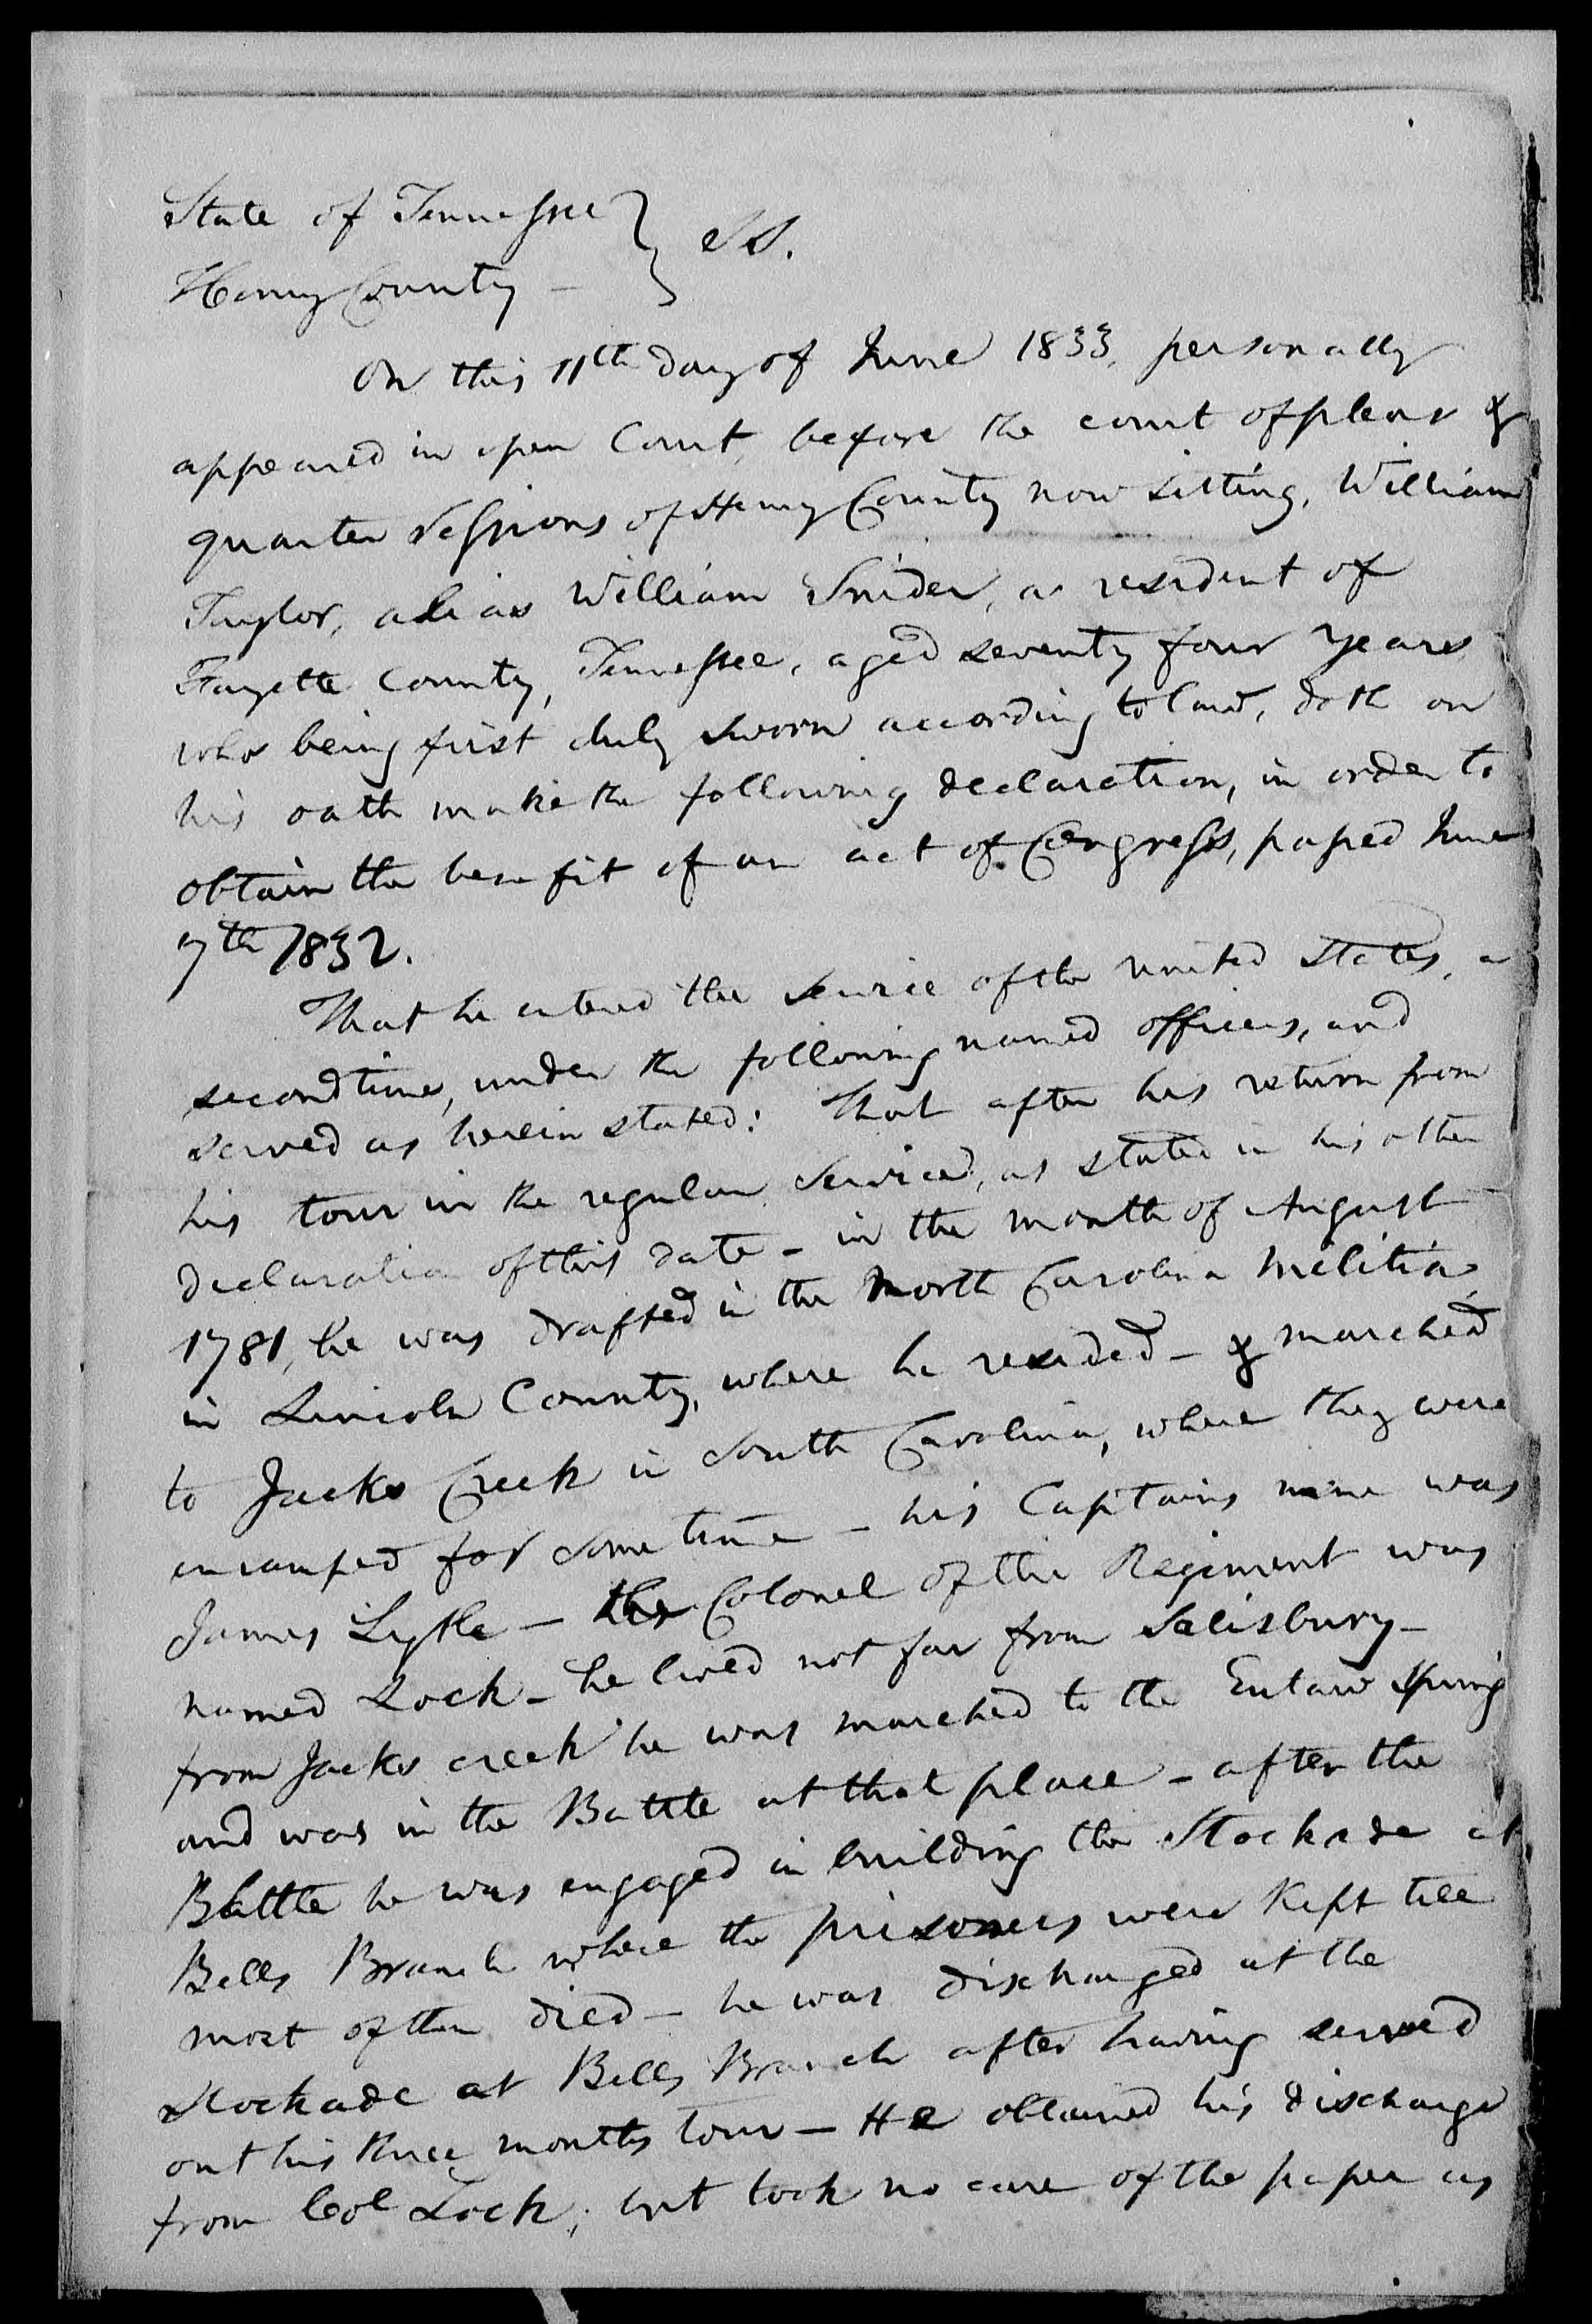State of Tennessee
Henry County SS.
On this 11th day of June 1833, personally appeared in open Court before the court of pleas & quarter Sessions of Henry County now sitting, William Taylor, alias William Snider a resident of Fayette County, Tennessee, aged seventy four years who being first duly sworn according to law, doth on his oath make the following declaration, in order to obtain the benefit of an act of Congress, passed June 7th 1832.
That he entered the service of the United States, a second time, under the following named officers, and served as herein stated: that after his return from his tour in the regular service, as stated in his other declaration of this date - in the month of August 1781, he was drafted in the North Carolina Militia in Lincoln County, where he resided & marched to Jacks Creek in South Carolina, where they were encamped for some time his Captains name was James Lytle - the Colonel of the Regiment was named Lock - he lived not far from Salisbury - from Jacks creek he was marched to the Eutaw Springs and was in the Battle at that place - after the Battle he was engaged in building the Stockade at Bells Branch where the prisoners were kept till most of them died - he was discharged at the stockade at Bells Branch after having served out his three months tour. He obtained his discharge from Col Lock; but took no care of the paper as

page: 16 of 33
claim: rejected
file: R 10439, for William Taylor, North Carolina